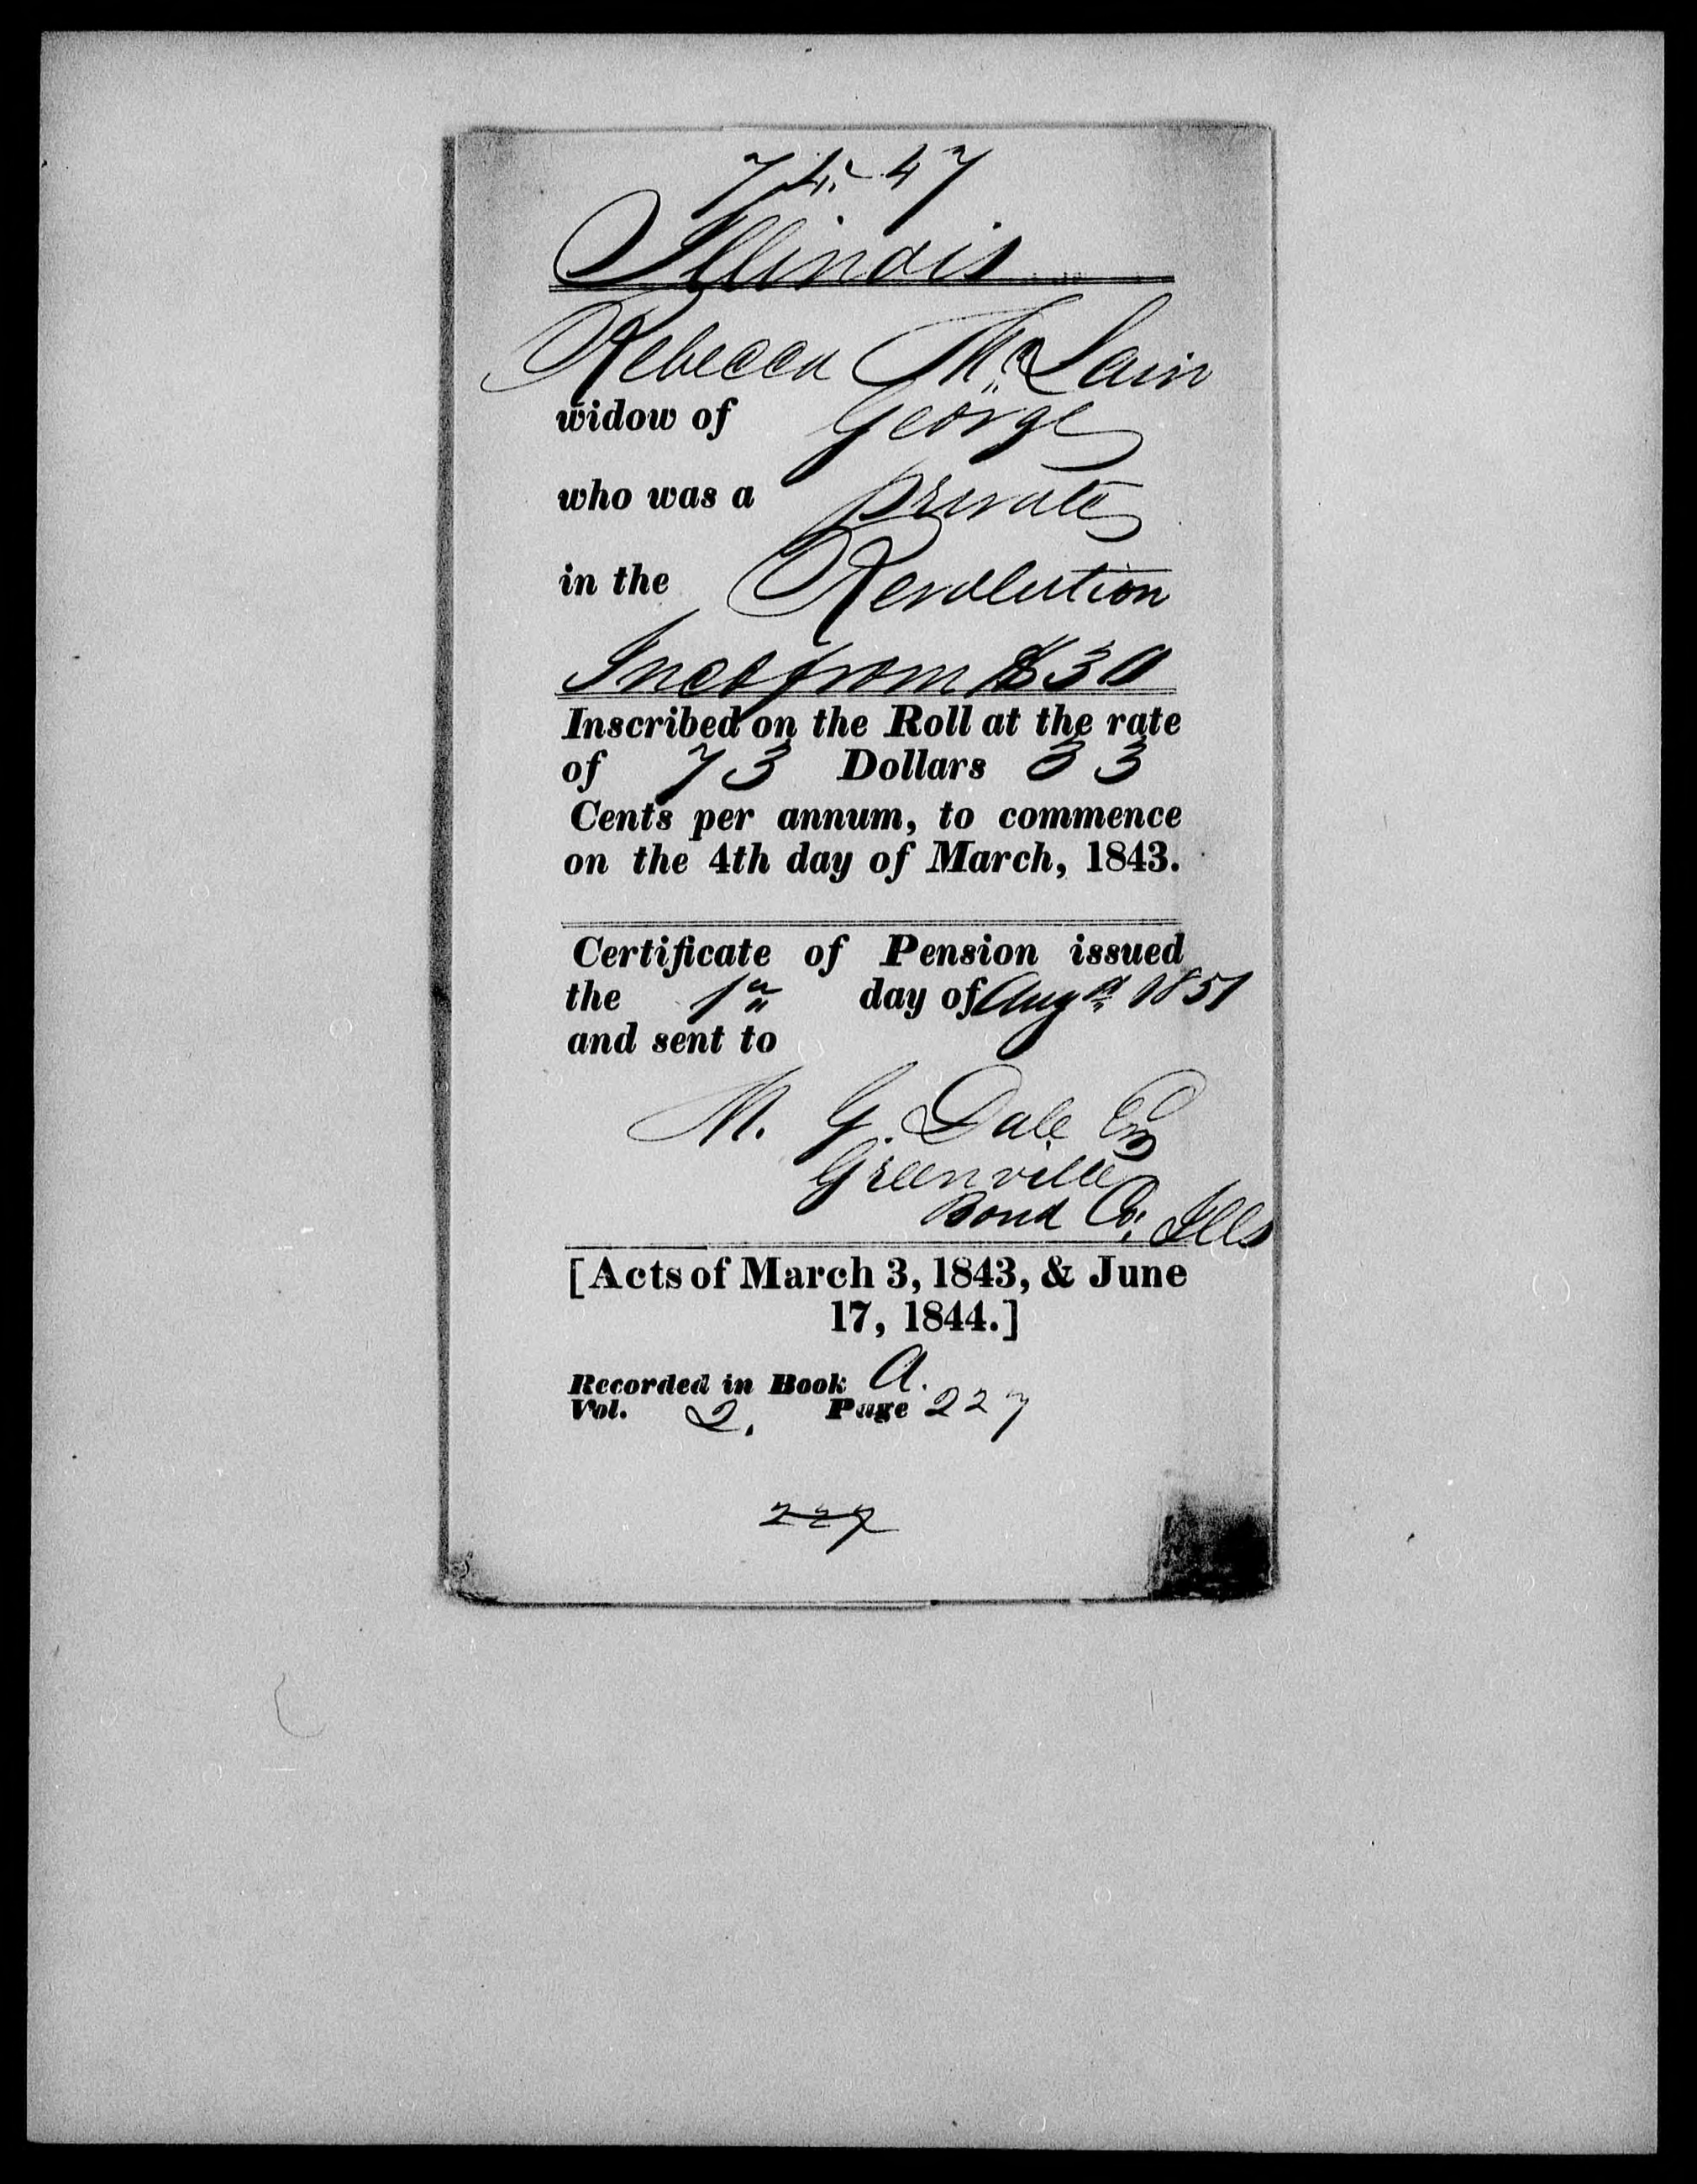[typed form, with handwritten responses]

7447
Illinois
Rebecca McLain
widow of George 
who was a private
in the Revolution
Increase from $30 
Inscribed on the Roll at the rate of 73 Dollars 33 Cents per annum, to commence on the 4th day of March, 1843. 

Certificate of Pension issued the 1st day of Aug.t 1851 and sent to M. G. Dale Esq. Greenville Bond Co. Ills 

[Acts of March 3, 1843 & June 17, 1844.]

Recorded in Book A Vol. 2. Page 227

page: 27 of 67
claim: widow's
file: W. 21793, for George Mc Lain, North Carolina